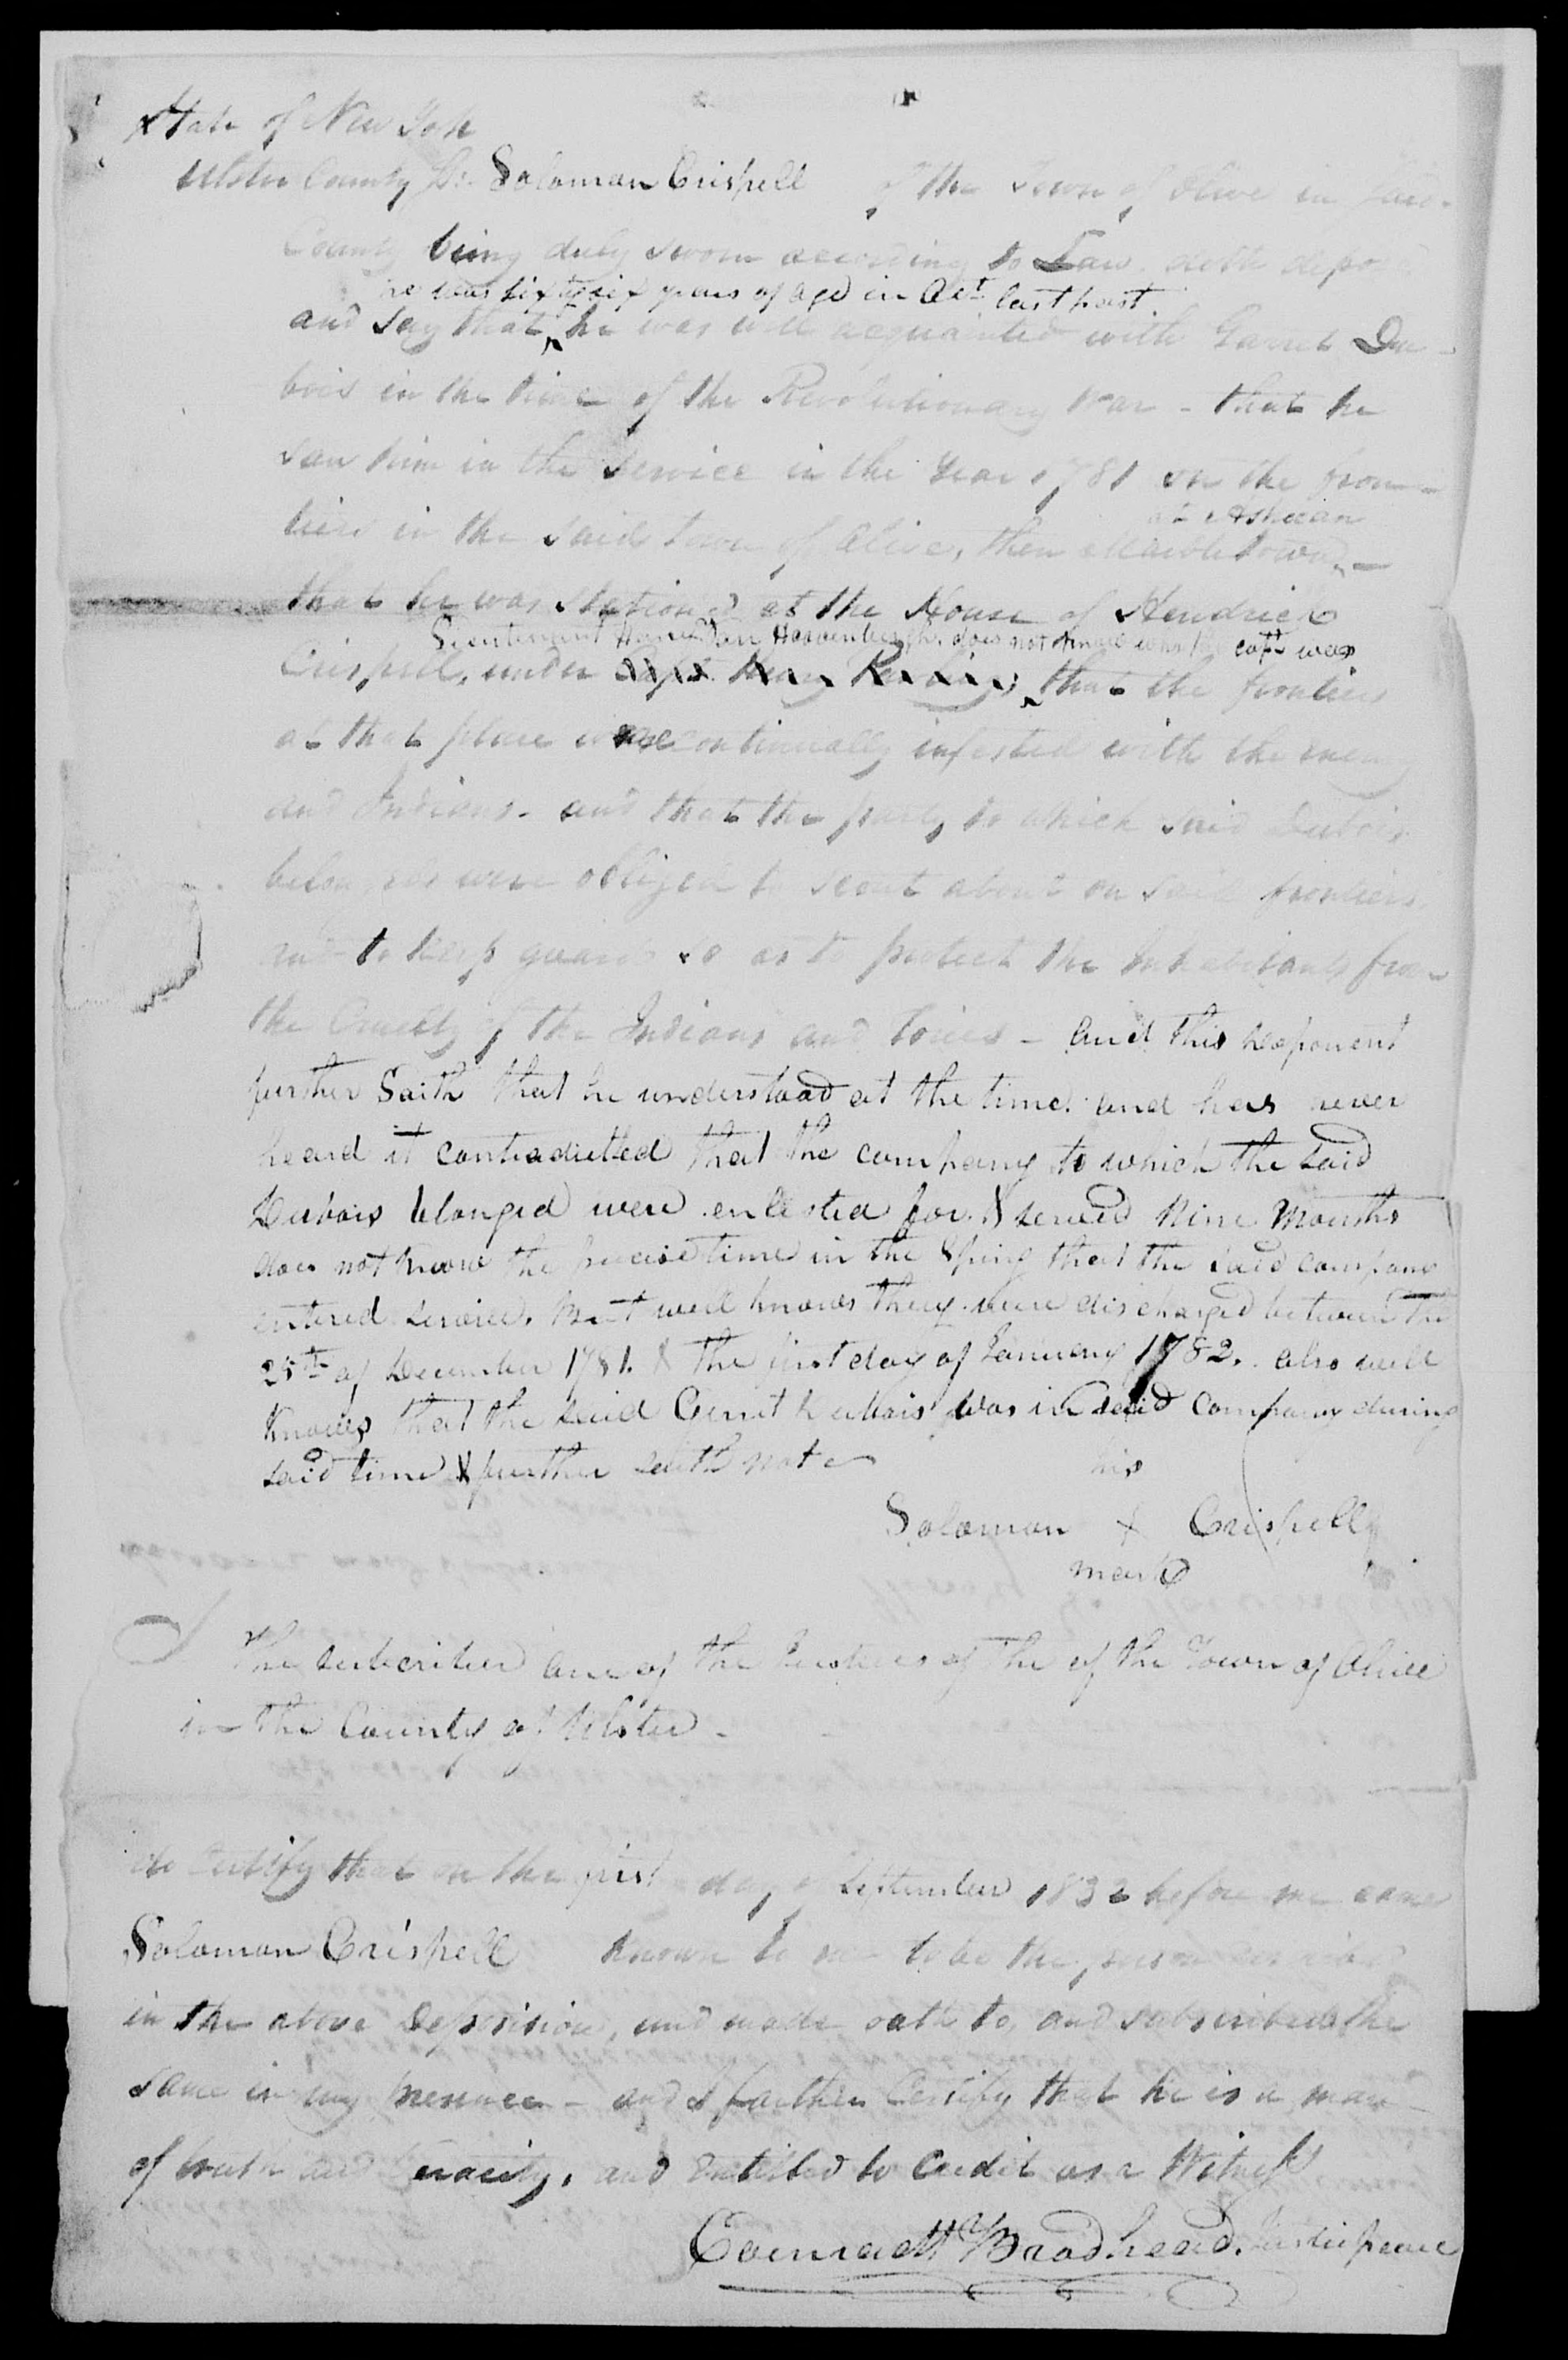State of New York
Ulster County } SS.
I Soloman Crispell of the town of Olive in said County being duly sworn according to law, doth depose and say that ^ he was sixty six years of age in Oct last past, he was well acquainted with Gerrit Debois in the time of the Revolutionary war - that he saw him in the service in the year 1781 on the frontiers in the said town of Olive, then Marbletown that he was stationed at the House of Hendrick Crispell under ["Capt. Henry Pawlings" crossed out] ^ Lieutenant Henrich Van Hoevenbergh,, does not aware what Cap't was, that the frontiers at that place was continually infested with the enemy and Indians, and that the party to which said Dubois belongest were obliged to scout about on said frontiers and to keep guard & as to protect the inhabitants from the cruelty of the Indians and Tories - And this Desponent further saith that he understood at the time and has never heard it contradicted that the company to which the said Dubois belonged were enlisted for & served nine months does not know the precise time in the spring that the said Company entered service. But well knows they were discharged between the 25th of December 1781. & the first day of January 1782, also well knows that the said Gerrit Dubois was in said Company during said time & further saith not-
[Signed} Soloman his X mark Crispell

I the subscriber one of the Justices of the of the Town of Olive in the County of Ulster do certify that on the first day of September 1832 before me came Soloman Crispell known to me to be the person described in the above Deposition, and made oath to and subscribed the same in my presence, and I further certify that he is a man of truth and veracity, and  entitled to credit as a Witness
Coenraedt Brodhead Justice peace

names: Dubois, Garret Dubois, Dubois, Coenradt Brodhead, Solomon Crispell, Solomon Crispell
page: 28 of 36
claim: widow's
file: W 20995, Gerrit Dubois, New York